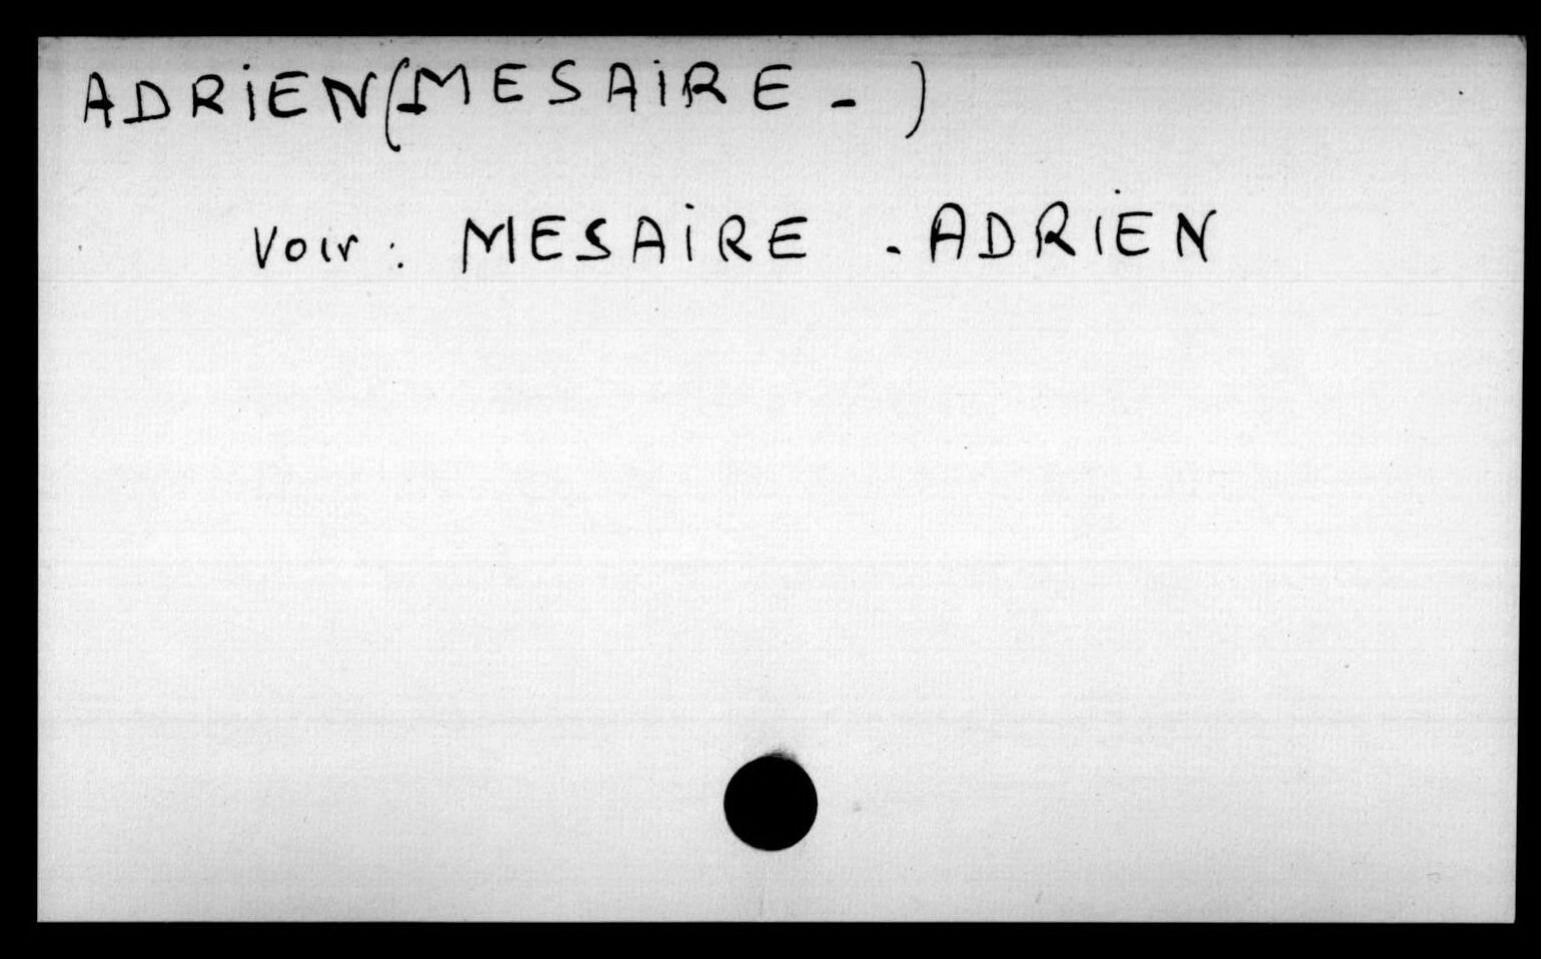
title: ADRIEN (-MESSAIRE-)
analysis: Voir : MESAIRE-ADRIEN
